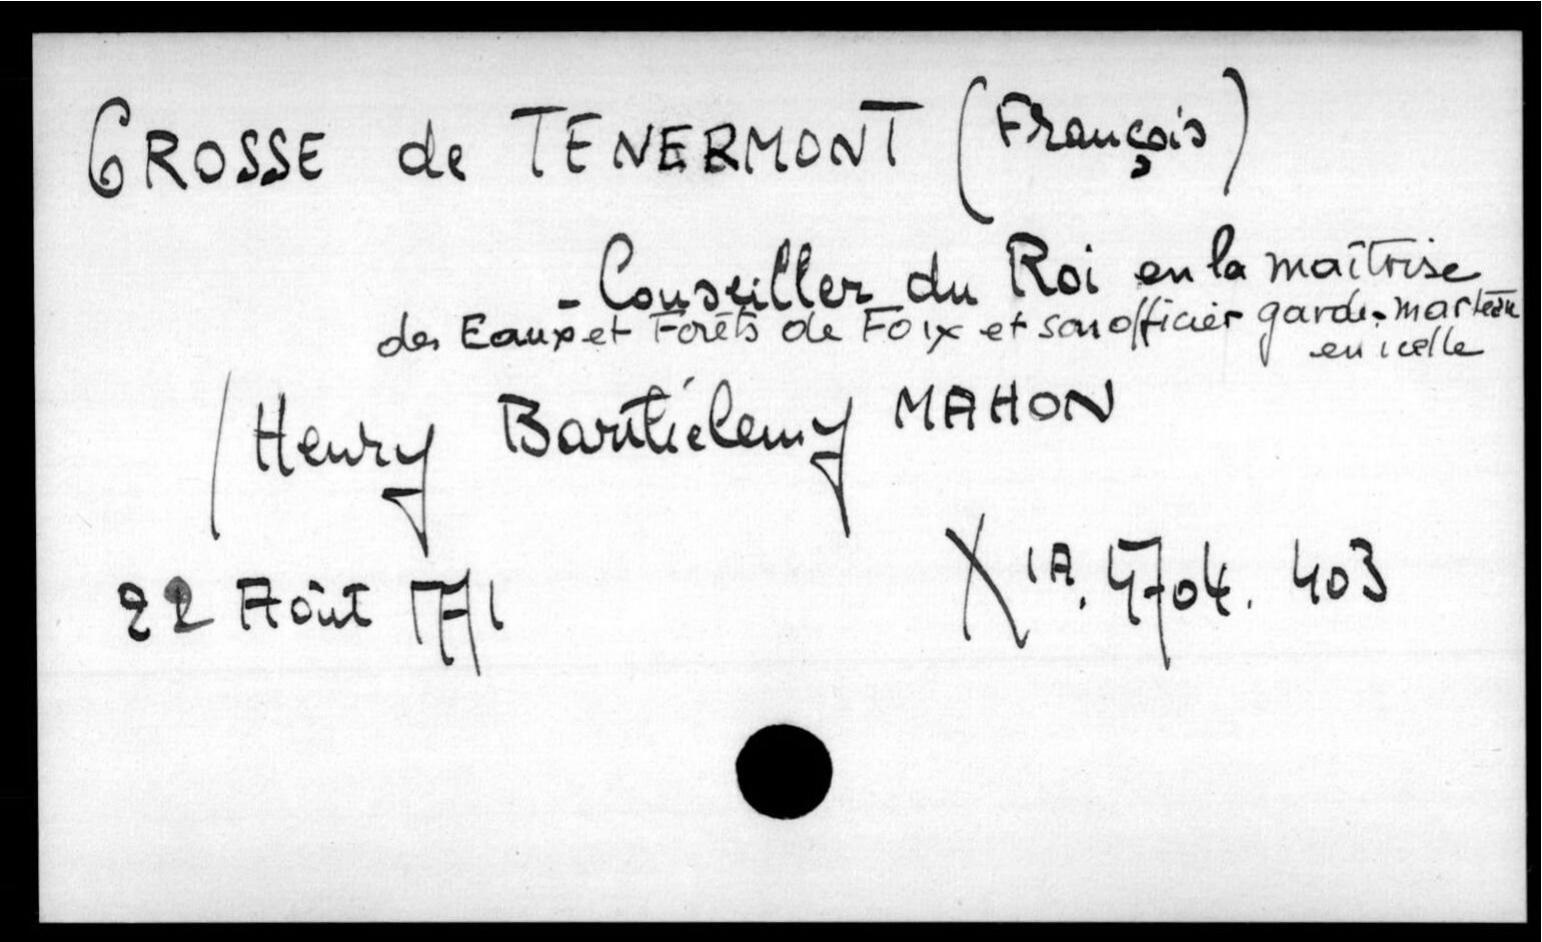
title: GROSSE de TENERMONT (François), conseiller du roi en la maîtrise des eaux et forêts de Foix et son officier garde-marteau en icelle
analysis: Contre Henry Barthélémy MAHON
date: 22 août 1771
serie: X1A
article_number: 4704
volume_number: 403
